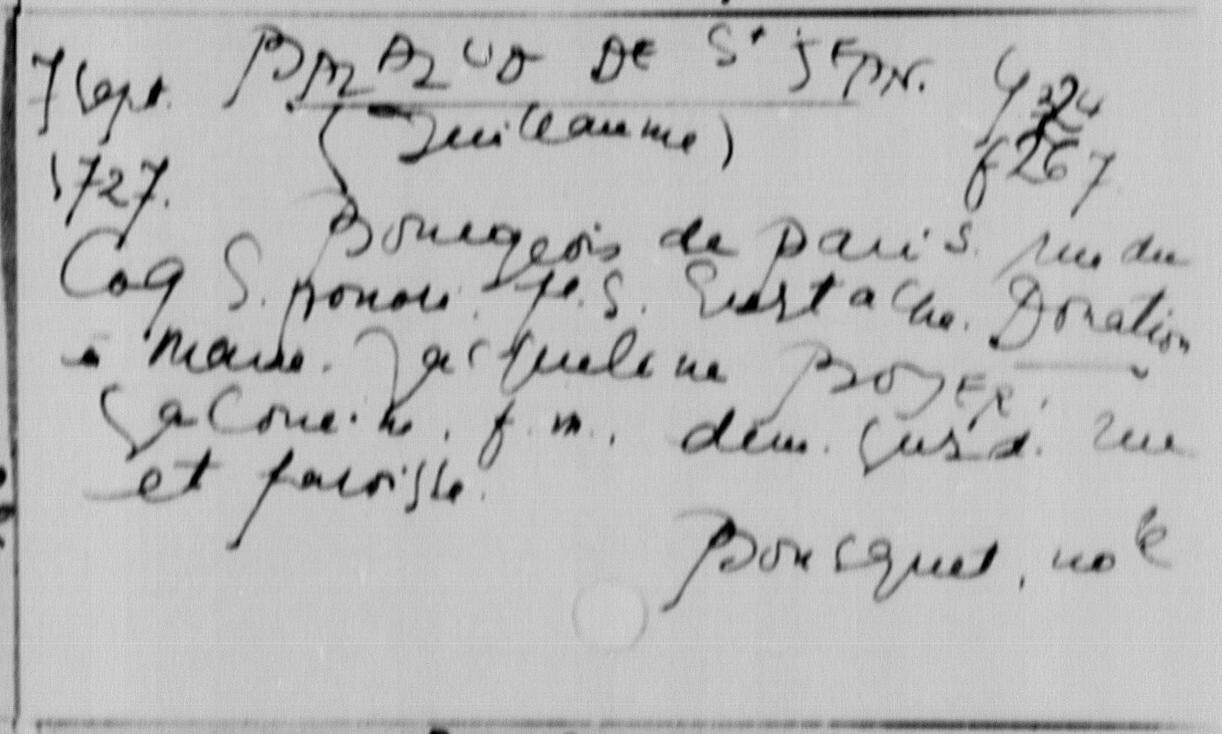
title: BALALUD DE SAINT-JEAN (Guillaume)
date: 7 septembre 1727
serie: Y
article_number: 324
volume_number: folio 267
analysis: Bourgeois de Paris, rue du Coq Saint-Honoré, paroisse Saint-Eustache. Donation à Marie-Jacqueline BOYER, sa cousine, fille majeure, demeurant susdites rue et paroisse. Boucquet, notaire.
